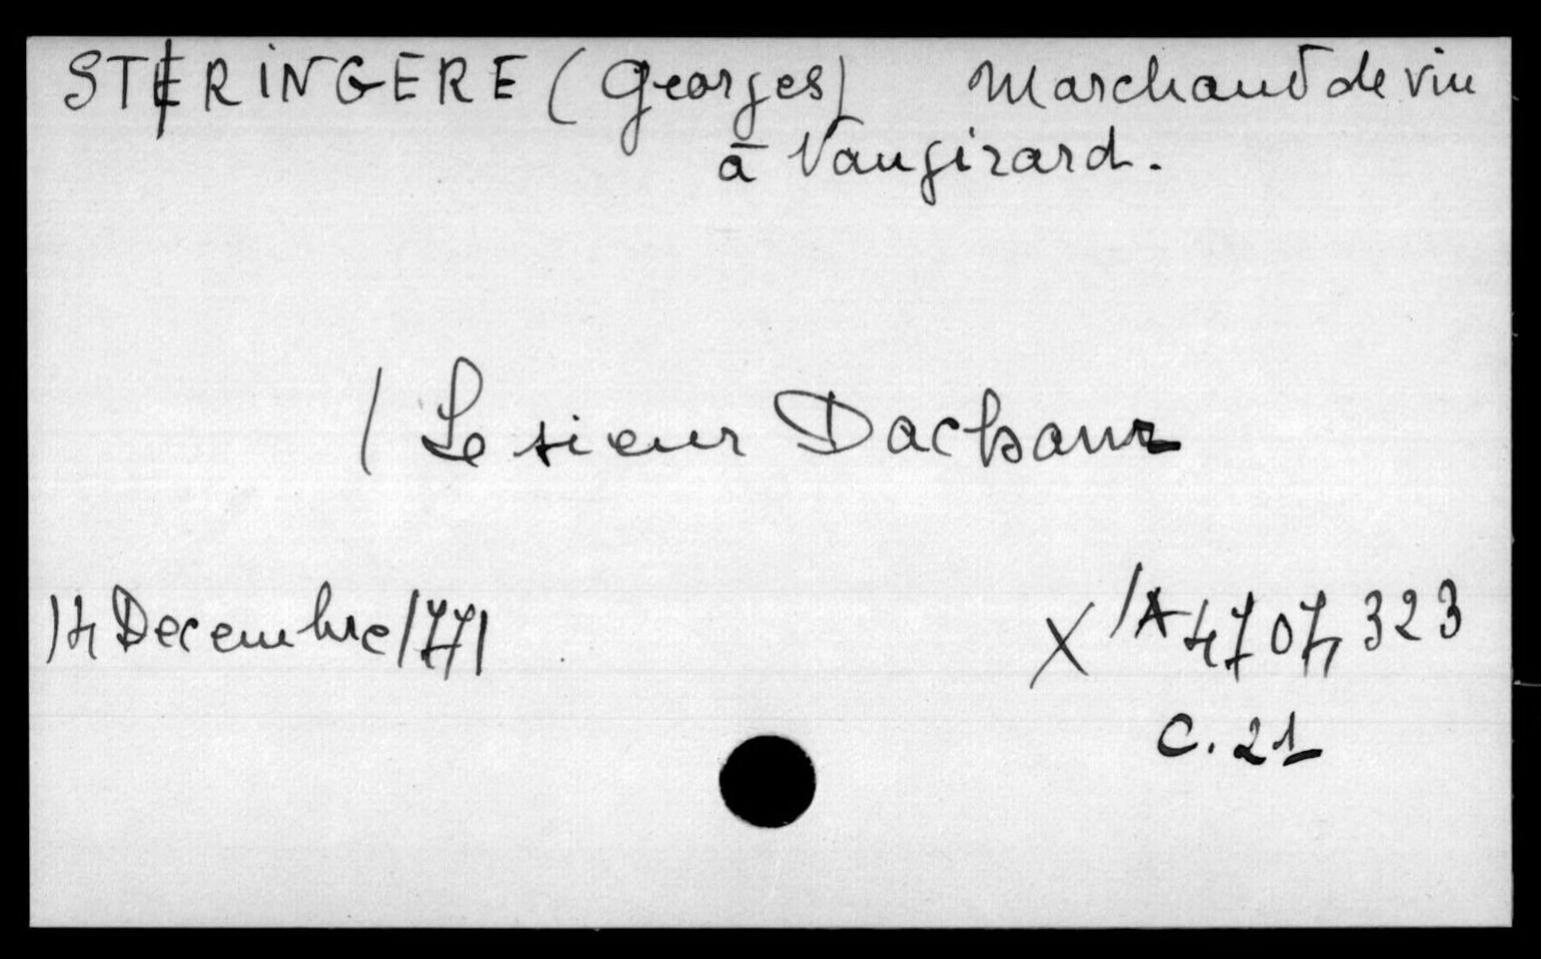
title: STRINGERE (Georges) Marchand de vin à Vaugirard.
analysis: Contre le sieur Dachaur
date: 14 décembre 1771
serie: X1A
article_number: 4707
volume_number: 323 Conseil 21
